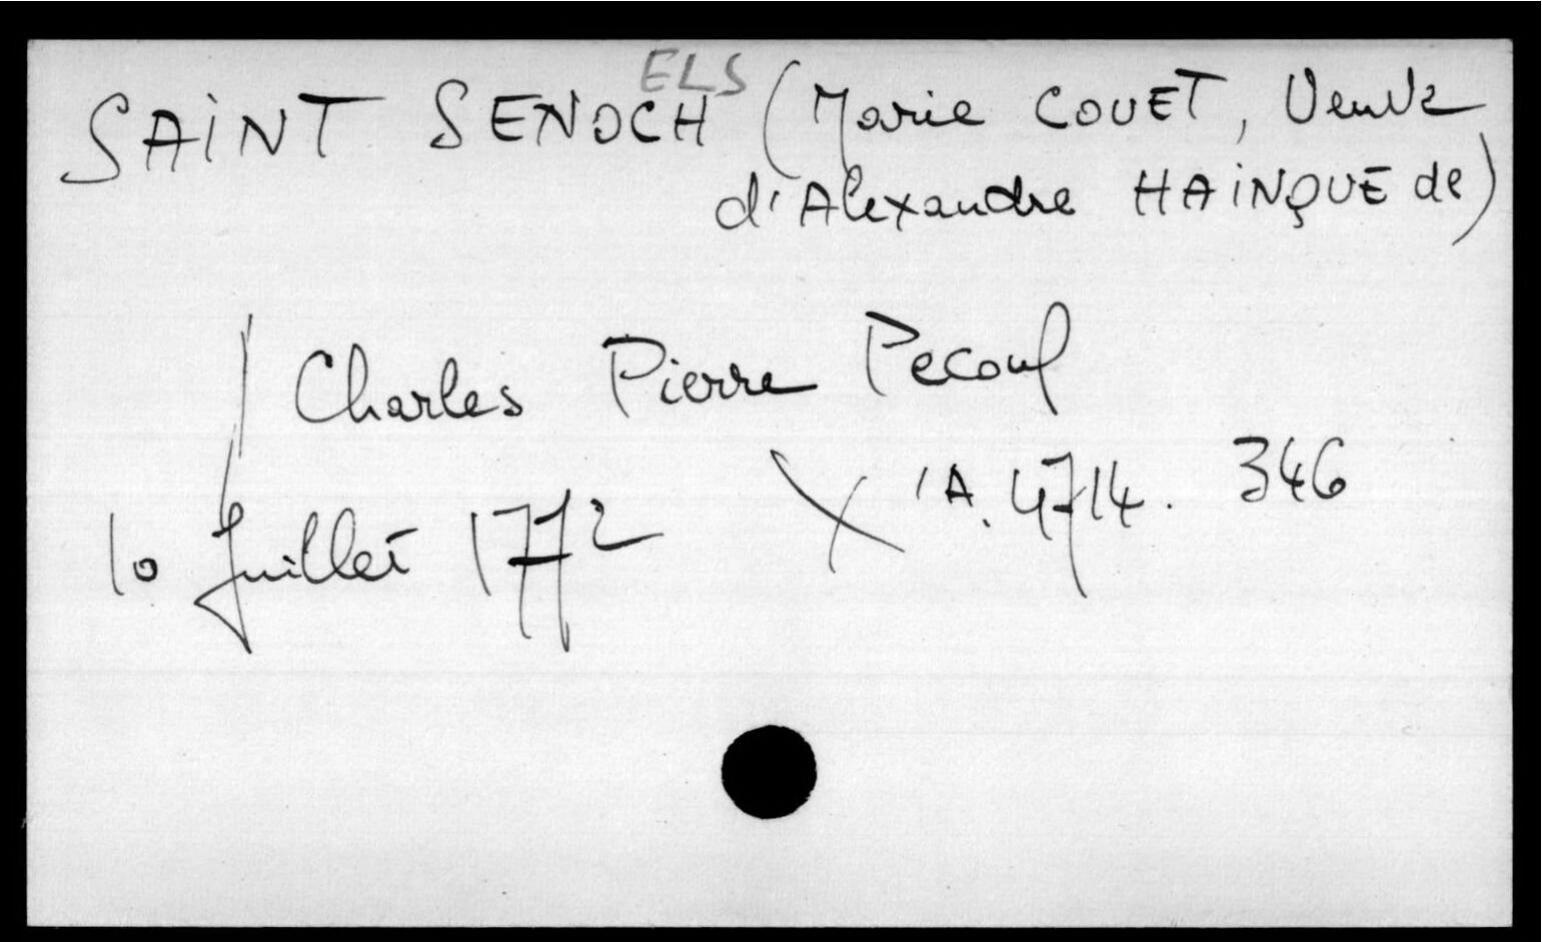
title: SAINT SENOCHELS (Marie COUET, Veuve d'Alexandre HAINQUE de)
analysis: Contre Charles Pierre Pecoul
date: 10 juillet 1772
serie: X1A
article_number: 4714
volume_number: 346
